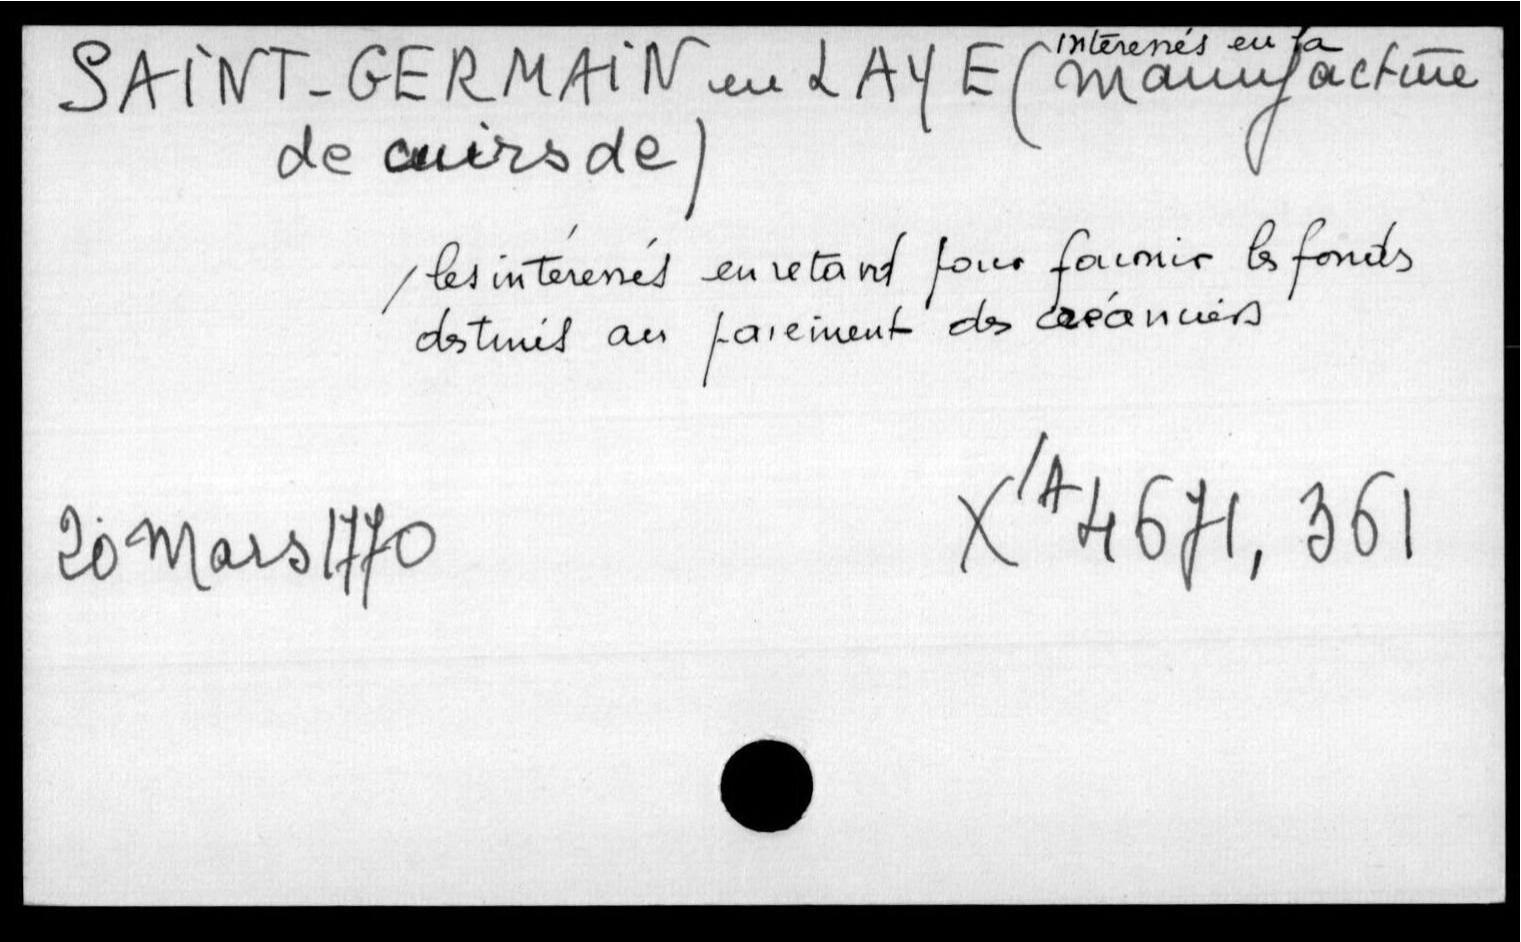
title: SAINT-GERMAIN en LAYE (intéressés en la manufacture de cuirs de)
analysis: Contre les intéressés en retard four fournir les fonds destinés au paiement des créanciers
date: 20 mars 1770
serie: X1A
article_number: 4671
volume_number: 361
